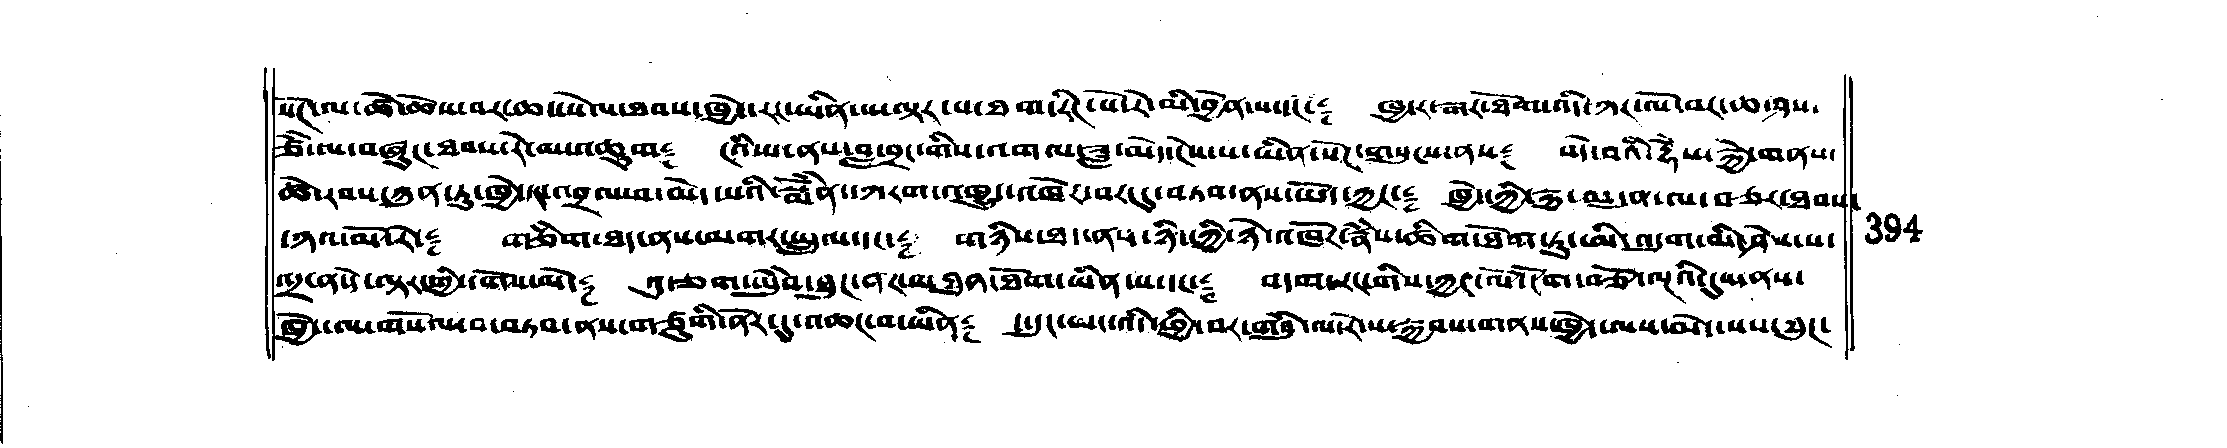སོགས་ལ་ཚེ་ཆོས་བར་ཆད་སེལ་ཐབས་ཁྱེད་རང་ཡིན་པ་ལྟར་ས་ཐག་རིང་པོ་རེ་མི་བྱོན་པ་དང་། ཁྱད་པར་སྒར་ཐོག་འདི་ཀར་ལོ་བར་ཆ་ཤས་
ཙམ་ལ་བཞུགས་ཐབས་རེ་མ་འཆུག ངའི་ས་ནས་བླ་བྲང་གིས་འགལ་ཟླ་མེད་ངེས་པ་ཡིན་སོགས་གསུངས་ནས། བདེ་བའི་རྡོ་རྗེས་སྐྱེ་གནས་
ཚེ་རབས་ཀུན་ཏུ་ཁྱེད་དང་འབྲལ་བ་མེད་པའི་སྨོན་ལམ་དཀར་ནག་འཁྱུད་འཁོར་བར་དུ་བཏབ་ནས་ཡོད་ཀྱང་། ཁྱེད་ཀྱི་སྐུ་མདུན་ལ་བཅར་ཐབས་
དཀའ་མོ་རེ། གཅིག་ཐད་ནས་མགར་སྤྲུལ་དང་། གཉིས་ཐད་ནས་ཉིད་ཀྱི་ཉེ་འཁོར་རྣམས་ཚིག་ཐོག་ཏུ་ཨི་འདུག་མི་ཤེས་པ་
འདྲ་ན་དེ་ལྟར་གྱི་དགོས་མེད། འུ་ཅག་ཡབ་ཡུམ་ཐུགས་ནང་མཐུན་ཐོག་ཡིན་པ་དང་། བདག་རང་གིས་ཀྱང་ལོ་ངོ་བཅོ་ལྔའི་དུས་ནས་
ཁྱེད་ལ་གསོལ་བ་བཏབ་ནས་གཙུག་གི་ནོར་དུ་འཆང་བ་ཡིན། ད་དུང་ཡང་འདི་ཕྱི་བར་གསུམ་ལ་རེ་ས་སྐྱབས་གནས་ཁྱེད་ལས་མེད་པས་ཐུགས་